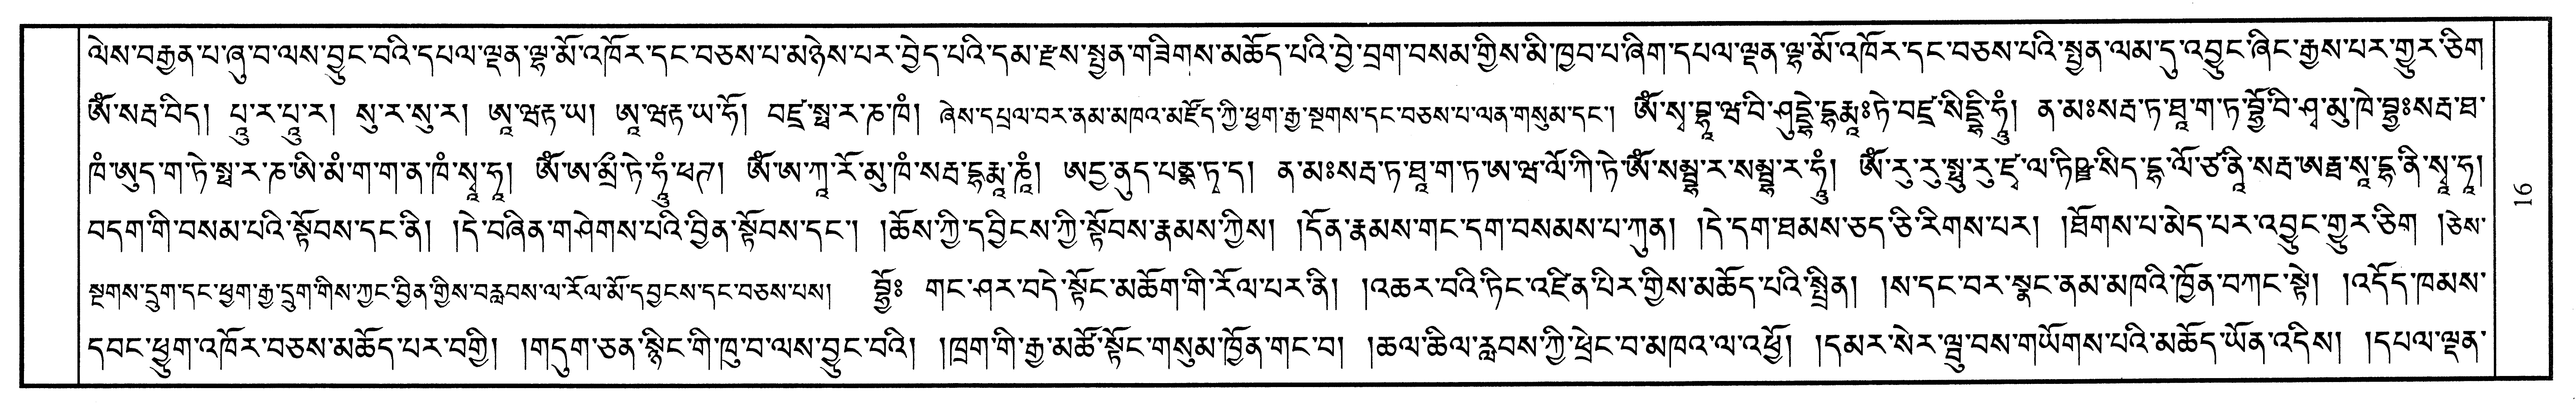ལེས་བརྒྱན་པ་ཞུ་བ་ལས་བྱུང་བའི་དཔལ་ལྡན་ལྷ་མོ་འཁོར་དང་བཅས་པ་མཉེས་པར་བྱེད་པའི་དམ་རྫས་སྤྱན་གཟིགས་མཆོད་པའི་བྱེ་བྲག་བསམ་གྱིས་མི་ཁྱབ་པ་ཞིག་དཔལ་ལྡན་ལྷ་མོ་འཁོར་དང་བཅས་པའི་སྤྱན་ལམ་དུ་འབྱུང་ཞིང་རྒྱས་པར་གྱུར་ཅིག་
ཨོཾ་སརྦ་བིད། པཱུ་ར་པཱུ་ར། སུ་ར་སུ་ར། ཨཱ་ཝརྟ་ཡ། ཨཱ་ཝརྟ་ཡ་ཧོ། བཛྲ་སྥ་ར་ཎ་ཁཾ། ཞེས་དཔྲལ་བར་ནམ་མཁའ་མཛོད་ཀྱི་ཕྱག་རྒྱ་སྔགས་དང་བཅས་པ་ལན་གསུམ་དང་། ཨོཾ་སྭ་བྷཱ་ཝ་བི་ཤུདྡྷེ་དྷརྨཱཿ ཏེ་བཛྲ་སིདྡྷི་ཧཱུཾ། ན་མཿ སརྦ་ཏ་ཐཱ་ག་ཏ་བྷྱོ་བི་ཤྭ་མུ་ཁེ་བྷྱཿ སརྦ་ཐ་
ཁཾ་ཨུད་ག་ཏེ་སྥ་ར་ཎ་ཨི་མཾ་ག་ག་ན་ཁཾ་སྭཱ་ཧཱ། ཨོཾ་ཨ་མྲྀ་ཏེ་ཧཱུཾ་ཕཊ། ཨོཾ་ཨ་ཀཱ་རོ་མུ་ཁཾ་སརྦ་དྷརྨཱ་ཎཱཾ། ཨདྱ་ནུད་པནྣ་ཏྭ་ད། ན་མཿ སརྦ་ཏ་ཐཱ་ག་ཏ་ཨ་ཝ་ལོ་ཀི་ཏེ་ཨོཾ་སམྦྷ་ར་སམྦྷ་ར་ཧཱུཾ། ཨོཾ་རུ་རུ་སྥུ་རུ་ཛྭ་ལ་ཏིཥཊཿཨ་སིད་དྷ་ལོ་ཙ་ནཱི་སརྦ་ཨརྠ་སཱ་དྷ་ནི་སྭཱ་ཧཱ།
བདག་གི་བསམ་པའི་སྟོབས་དང་ནི། །དེ་བཞིན་གཤེགས་པའི་བྱིན་སྟོབས་དང་། །ཆོས་ཀྱི་དབྱིངས་ཀྱི་སྟོབས་རྣམས་ཀྱིས། །དོན་རྣམས་གང་དག་བསམས་པ་ཀུན། །དེ་དག་ཐམས་ཅད་ཅི་རིགས་པར། །ཐོགས་པ་མེད་པར་འབྱུང་གྱུར་ཅིག །ཅེས་
སྔགས་དྲུག་དང་ཕྱག་རྒྱ་དྲུག་གིས་ཀྱང་བྱིན་གྱིས་བརླབས་ལ་རོལ་མོ་དབྱངས་དང་བཅས་པས། བྷྱོཿ གང་ཤར་བདེ་སྟོང་མཆོག་གི་རོལ་པར་ནི། །འཆར་བའི་ཏིང་འཛིན་པིར་གྱིས་མཆོད་པའི་སྤྲིན། །ས་དང་བར་སྣང་ནམ་མཁའི་ཁྱོན་བཀང་སྟེ། །འདོད་ཁམས་
དབང་ཕྱུག་འཁོར་བཅས་མཆོད་པར་བགྱི། གདུག་ཅན་སྙིང་གི་ཁུ་བ་ལས་བྱུང་བའི། །ཁྲག་གི་རྒྱ་མཚོ་སྟོང་གསུམ་ཁྱོན་གང་བ། །ཆལ་ཆིལ་རླབས་ཀྱི་ཕྲེང་བ་མཁའ་ལ་འཕྱོ། །དམར་སེར་ལྦུ་བས་གཡོགས་པའི་མཆོད་ཡོན་འདི། །དཔལ་ལྡན་